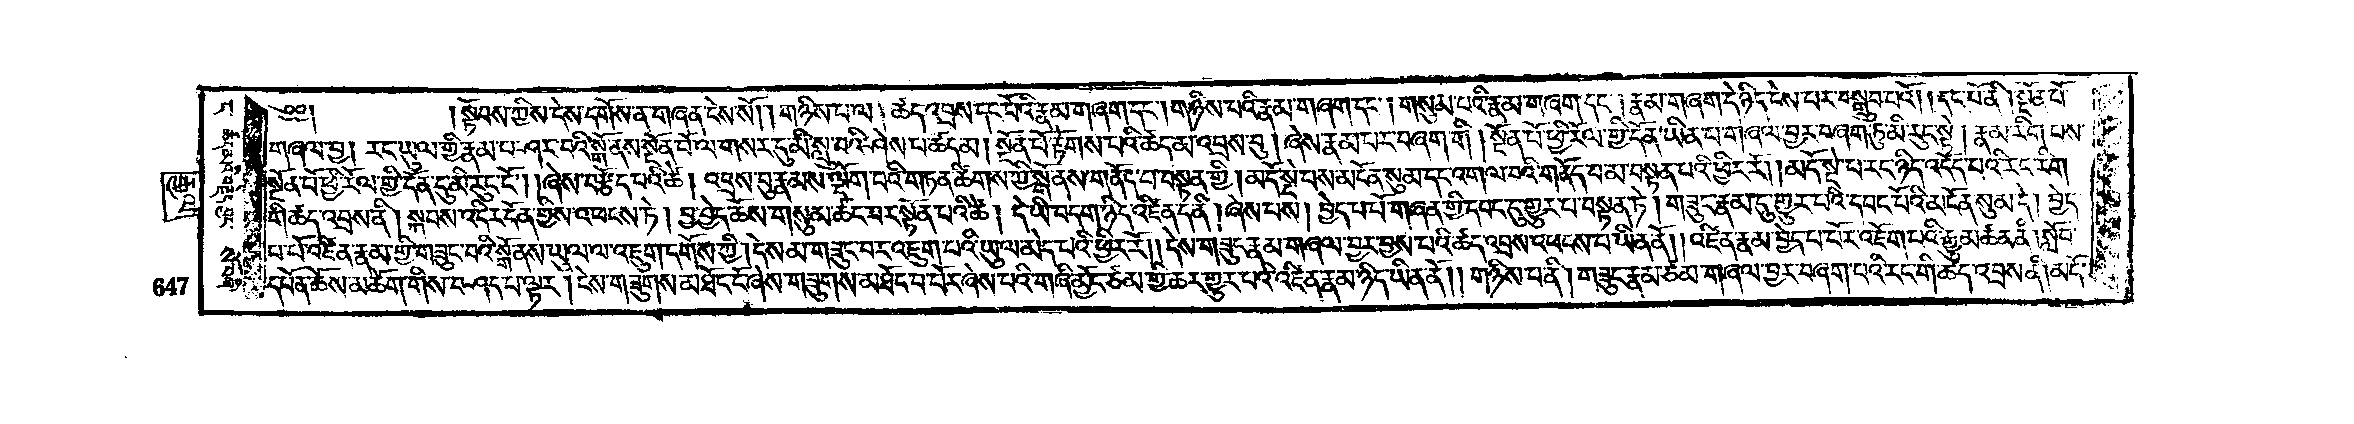༄༅། །སྟོབས་ཀྱིས་དེས་དགོས་ན་གཞན་ངེས་སོ། །གཉིས་པ་ལ། ཚད་འབྲས་དང་པོའི་རྣམ་གཞག་དང་། གཉིས་པའི་རྣམ་གཞག་དང་། གསུམ་པའི་རྣམ་གཞག་དང་། རྣམ་གཞག་དེ་ཉིད་ངེས་པར་བསྒྲུབ་པའོ། །དང་པོ་ནི། སྔོན་པོ་
གཞལ་བྱ། རང་ཡུལ་གྱི་རྣམ་པ་ཤར་བའི་སྒོ་ནས་སྔོན་པོ་ལ་གསར་དུ་མི་སླུ་བའི་ཤེས་པ་ཚད་མ། སྔོན་པོ་རྟོགས་པའི་ཚད་མ་འབྲས་བུ། ཞེས་རྣམ་པར་བཞག་གི །སྔོན་པོ་ཕྱི་རོལ་གྱི་དོན་ཡིན་པ་གཞལ་བྱར་བཞག་ཏུ་མི་རུང་སྟེ། རྣམ་རིག་པས་
སྔོན་པོ་ཕྱི་རོལ་གྱི་དོན་དུ་མི་རུང་ངོ། །ཞེས་རྩོད་པའི་ཚེ། འབྲས་བུ་རྣམས་ལྡོག་པའི་གཏན་ཚིགས་ཀྱི་སྒོ་ནས་གནོད་པ་བསྟན་གྱི། མདོ་སྡེ་པས་མངོན་སུམ་དང་འགལ་བའི་གནོད་པ་མ་བསྟན་པའི་ཕྱིར་རོ། །མདོ་སྡེ་པ་རང་ཉིད་འདོད་པའི་རང་རིག་
གི་ཚད་འབྲས་ནི། སྐབས་འདིར་དོན་གྱིས་འཕངས་ཏེ། བྱ་བྱེད་ཆོས་གསུམ་ཚང་བར་སྟོང་པའི་ཚེ། དེ་ཡི་བདག་ཉིད་འཛིན་དེ་ནི། ཞེས་པས། བྱེད་པ་པོ་གཞན་གྱི་དབང་དུ་གྱུར་པ་བསྟན་ཏེ། གཟུང་རྣམ་དུ་གྱུར་པའི་དབང་པོའི་མངོན་སུམ་དེ། བྱེད་
པ་པོ་འཛིན་རྣམ་གྱི་གཟུང་བའི་སྒོ་ནས་ཡུལ་ལ་འཇུག་དགོས་ཀྱི། དེས་མ་གཟུང་བར་འཇུག་པའི་ཡུལ་མེད་པའི་ཕྱིར་རོ། །དེས་གཟུང་རྣམ་གཞལ་བྱར་བྱས་པའི་ཚད་འབྲས་འཕངས་པ་ཡིན་ནོ། །འཛིན་རྣམ་བྱེད་པ་པོར་འཇོག་པའི་རྒྱུ་མཚན་ནི། སློབ་
དཔོན་ཆོས་མཆོག་གིས་བཤད་པ་ལྟར། ངེས་གཟུགས་མཐོང་ངོ་ཞེས་གཟུགས་མཐོང་བ་པོར་ཞེས་པའི་གཞི་མྱོང་ཙམ་གྱི་ཆར་གྱུར་པའི་འཛིན་རྣམ་ཉིད་ཡིན་ནོ། །གཉིས་པ་ནི། གཟུང་རྣམ་ཙམ་གཞལ་བྱར་བཞག་པའི་རང་གི་ཚད་འབྲས་ནི། མདོ་